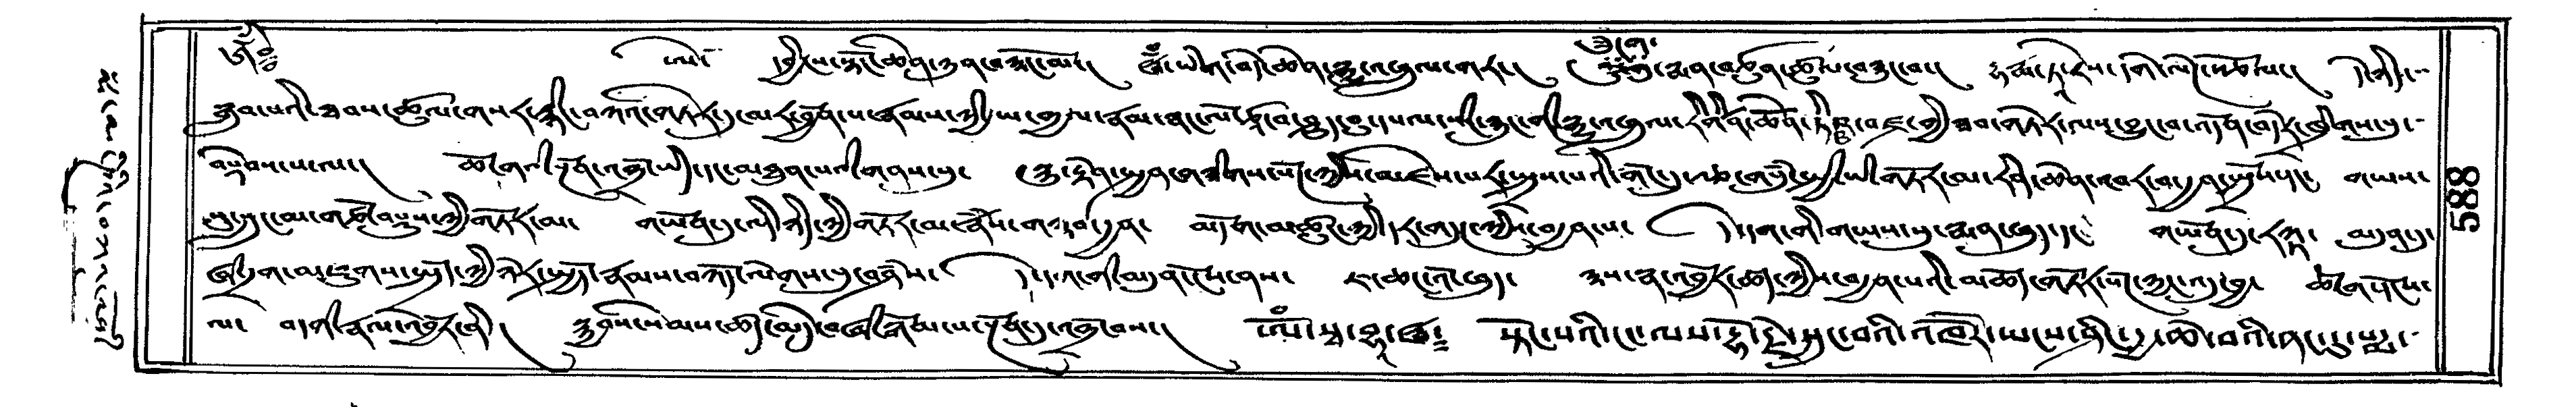ཨེ་དབྱིངས་སྟོང་ཆེན་ཀུན་བཟང་མོ། །ཝྃ་ཡིག་བདེ་ཆེན་སྒྱུ་འཕྲུལ་གར། ཟུང་ངག་སྨན་བཙུན་ཚུལ་བཟུང་བ། །དྡྷརྨ་ཏཱ་རེས་དགེ་ལེགས་སྩོལ། །དེ་ཉིད་
སྒྲུབ་པའི་ཐབས་ཚུལ་གསར་རྙིང་བཀའ་གཏེར་དུ་མར་བྱོན་པ་རྣམས་ཀྱི་ཡ་གྱལ་རྣམ་སྣང་ལོ་ཙཱ་བ་ཤུད་བུ་དཔལ་སེང་ཟུང་གི་སྒྱུ་འཕྲུལ་རིག་འཛིན་ཆེན་པོ་ཏིཥྛ་བཛྲ་གྱི་ཟབ་གཏེར་ལས་བྱུང་བ་འདོན་བདེར་ཁྲིགས་སུ་
བསྡེབས་པ་ལ། ཆོ་གའི་སྔོན་འགྲོ་ཡིད་དང་མཐུན་པའི་གནས་སུ། སྐུ་རྟེན་སྤྱན་གཟིགས་སོགས་ཀྱིས་མཛེས་པར་སྤྲས་པའི་གོང་དུ་རྩ་གསུམ་སྤྱི་ཡི་གཏོར་མ་རིན་ཆེན་འབར་བ་རྒྱན་སྤྲོས་དང་། གཡས་
སུ་སྲུང་མ་གཙོ་བསྡུས་ཀྱི་གཏོར་མ། གཡོན་དུ་འདི་ཉིད་ཀྱི་གཏོར་མ་རྣམས་གཟབ་རྒྱན། མདོག་མཚུངས་ཀྱི་དར་གདུགས་ཀྱིས་བརྒྱན་པ། དེ་དག་གི་གཡས་སུ་སྨན་ཕུད་དང་། གཡོན་དུ་རཀྟ། མདུན་དུ་
ཞི་དྲག་མཛུགས་སྤྲོད་ཀྱི་ཉེར་སྤྱོད་རྣམས་བཀོད་ལེགས་སུ་བཤམས། དེ་དག་གི་མདུན་ངོས་ནས། ཇ་ཆང་འོ་ཕུད། ཟས་སྣ་འབྱོར་ཚད་ཀྱིས་བརྒྱན་པའི་མཆོད་གཏོར་སོགས་ཀྱང་འདུ་བྱ། ཆོ་ག་དངོས་
ལ། བདག་གི་རྣལ་འབྱོར་ནི། སྐྱབས་སེམས་ཚད་མེད་བཞི་སྒོམ་པ་སྔོན་དུ་འགྲོ་བས། ཨོཾ་སྭ་བྷཱ་ཝ༴ སྟོང་པའི་ངང་ལས་རྡོ་རྗེ་སྲུང་བའི་འཁོར་ལོ་ཡངས་ཤིང་རྒྱ་ཆེ་བའི་ནང་དུ་པདྨ་